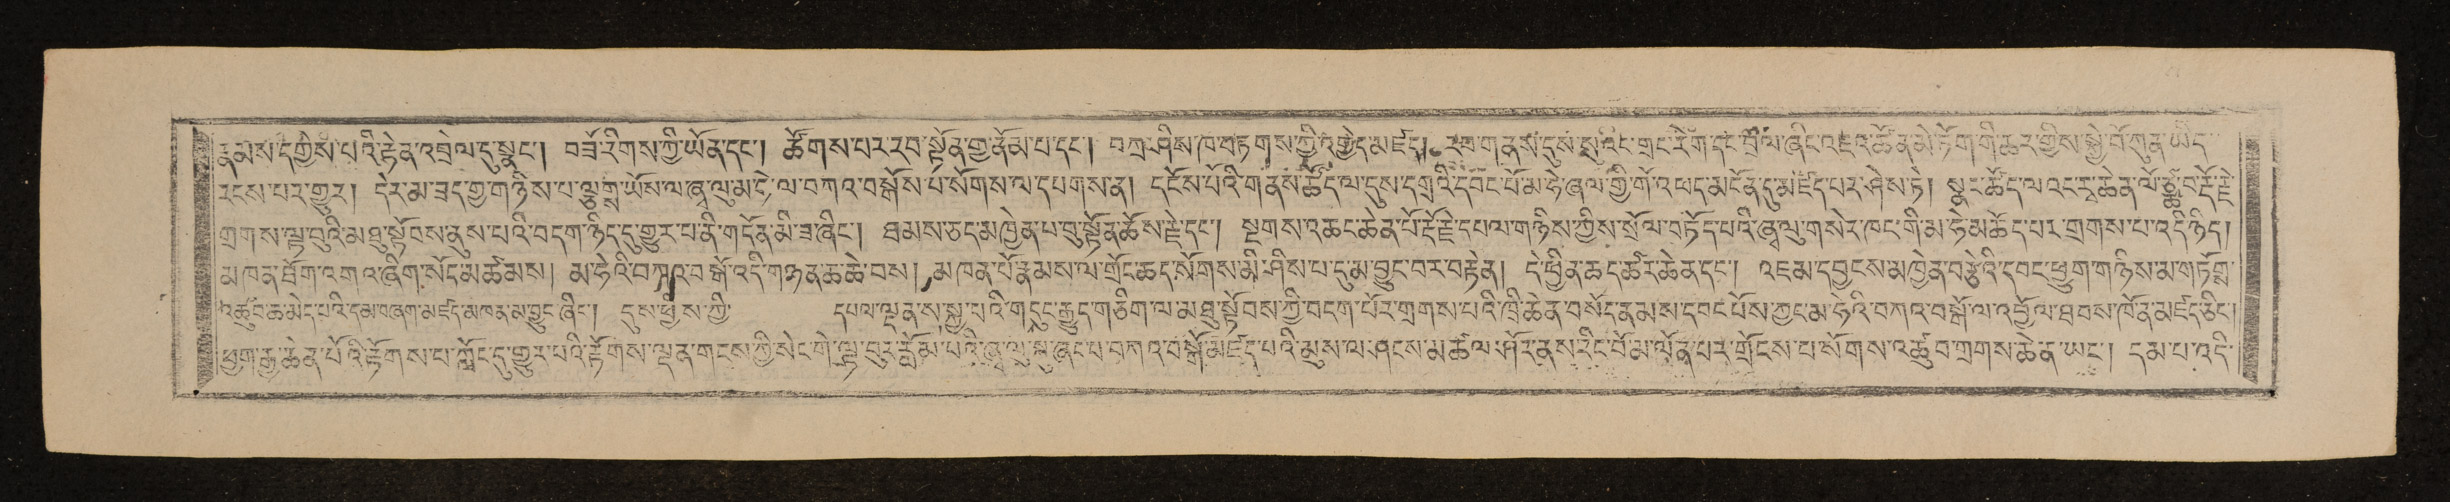རྣམས་དགྱེས་པའི་རྟེན་འབྲེལ་དུ་སྣང་། བཟོ་རིགས་ཀྱི་ཡོན་དང་། ཚོགས་པར་རབ་སྟོན་གྱ་ནོམ་པ་དང་། བཀྲ་ཤིས་ཁ་བཏགས་ཀྱི་འགྱེད་མཛད། རབ་གནས་དུས་སུའང་གྲང་རེག་དང་བྲལ་ཞིང་འཇའ་ཚོན་མེ་ཏོག་གི་ཆར་གྱིས་སྐྱེ་བོ་ཀུན་ཡིད་
རངས་པར་གྱུར། དེར་མ་ཟད་གྱ་གཉིས་པ་ལྕགས་ཡོས་ལ་ཞྭ་ལུ་མ་ཧེ་ལ་བཀའ་བསྒོས་པ་སོགས་ལ་དཔགས་ན། དངོས་པོའི་གནས་ཚོད་ལ་དུས་དགྲའི་དབང་པོ་མ་ཧེ་ཞལ་གྱི་གོ་འཕང་མངོན་དུ་མཛད་པར་ཤེས་ཏེ། སྣང་ཚོད་ལའང་རྭ་ཆེན་ལོ་ཙྪ་བ་རྡོ་རྗེ་
གྲགས་ལྟ་བུའི་མཐུ་སྟོབས་ནུས་པའི་བདག་ཉིད་དུ་གྱུར་པ་ནི་གདོན་མི་ཟ་ཞིང་། ཐམས་ཅད་མཁྱེན་པ་བུ་སྟོན་ཆོས་རྗེ་དང་། སྔགས་འཆང་ཆེན་པོ་རྡོ་རྗེ་དཔལ་གཉིས་ཀྱིས་སྲོལ་བཏོད་པའི་ཞྭ་ལུ་གསེར་ཁང་གི་མ་ཧེ་མཆོད་པར་གྲགས་པ་འདི་ཉིད།
མཁན་ཐོག་འགའ་ཞིག་སོང་མཚམས། མ་ཧེའི་བཀའ་བསྒོ་འདི་གཉན་ཆ་ཆེ་བས། མཁན་པོ་རྣམས་ལ་གྲོང་ཆད་སོགས་མི་ཤིས་པ་དུ་མ་བྱུང་བར་བརྟེན། དེ་ཕྱིན་ཆད་ཚར་ཆེན་དང་། འཇམ་དབྱངས་མཁྱེན་བརྩེའི་དབང་ཕྱུག་གཉིས་མ་གཏོགས་
འཚུབ་ཆ་མེད་པའི་དམ་བཞག་མཛད་མཁན་མ་བྱུང་ཞིང་། དུས་ཕྱིས་ཀྱི་དཔལ་ལྡན་ས་སྐྱ་པའི་གདུང་རྒྱུད་གཅིག་ལ་མཐུ་སྟོབས་ཀྱི་བདག་པོར་གྲགས་པའི་ཁྲི་ཆེན་བསོད་ནམས་དབང་པོས་ཀྱང་མ་ཧེའི་བཀའ་བསྒོ་ལ་འབྱོལ་ཐབས་ཁོ་ན་མཛད་ཅིང་།
ཕྱག་རྒྱ་ཆེན་པོའི་རྟོགས་པ་ཀློང་དུ་གྱུར་པའི་རྟོགས་ལྡན་གངས་ཀྱི་སེང་གེ་ལྟ་བུར་རློམ་པའི་ཞྭ་ལུ་སྐུ་ཞང་པ་བཀའ་བསྒོ་མཛད་པའི་མུས་ལ་ཤངས་མཚལ་ཤོར་ནས་རིང་པོ་མ་ལོན་པར་གྲོངས་པ་སོགས་འཚུབ་གྲགས་ཆེ་ན་ཡང་། དམ་པ་འདི་